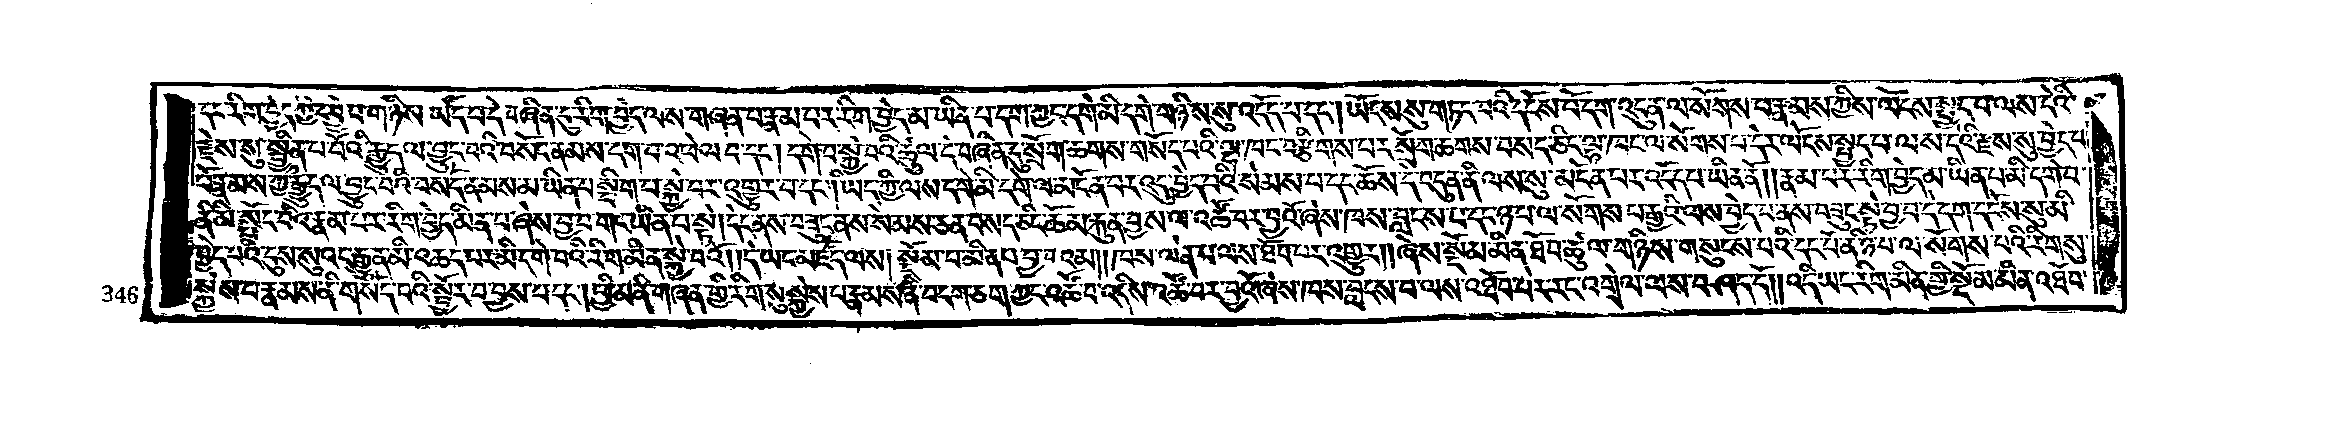དང་རིག་བྱད་ཀྱི་དབྱེ་བ་གཉིས་ཡོད་པ་དང་བཞིན་དུ་རིག་བྱེད་ལས་གཞན་པ་རྣམ་པར་རིག་བྱེད་མ་ཡིན་པ་དག་ཀྱང་དགེ་མི་དགེ་གཉིས་སུ་འདོད་པ་དང་། ཡོངས་སུ་གཏང་པའི་དངོས་པོ་དགེ་འདུན་ལ་སོགས་པ་རྣམས་ཀྱིས་ལོངས་སྤྱད་པ་ལས་དེའི་
རྗེས་སུ་སྦྱིན་པ་པའི་རྒྱུད་ལ་བྱུང་བའི་བསོད་ནམས་དག་བ་འཕེལ་བ་དང་། དག་བ་སྐྱེ་བའི་ཚུལ་དེ་བཞིན་དུ་སོག་ཆགས་གསོད་པའི་ལྷ་ཁང་བརྩིགས་པར་སྲོག་ཆགས་བསད་ཅིང་ལྷ་ཁང་ལ་སོགས་པ་དེར་ལེངས་སྤྱད་པ་ལས་དེའི་རྗེས་སུ་བྱེད་པ་
པོ་རྣམས་ཀྱི་རྒྱུད་ལ་བྱུང་བའི་བསོད་ནམས་མ་ཡིན་པ་སྡིག་པ་སྐྱེ་བར་འགྱུར་བ་དང་། ཡིད་ཀྱི་ལས་དགེ་མི་དགེ་ལ་མངོན་པར་འདུ་བྱེད་པའི་སེམས་པ་དང་ཆོས་དེ་བདུན་ནི་ལས་སུ་མངོན་པར་འདོད་པ་ཡིན་ནོ། །རྣམ་པར་རིག་བྱེད་མ་ཡིན་པ་མི་དགེ་བ་
ནི་མི་སློང་བའི་རྣམ་པར་རིག་བྱེད་མིན་པ་ཞེས་བྱ་བ་གང་ཡིན་པ་སྟེ། དེང་ནས་བཟུང་ནས་སེམས་ཅན་བསད་ཅིང་ཆོམ་རྐུན་བྱས་ལ་འཚོ་བར་བྱའོ་ཞེས་ཁས་བླངས་པ་དང་ཉ་པ་ལ་སོགས་པ་རྒྱའི་ལས་བྱེད་པ་ནས་བཟུང་སྟེ་བྱ་བ་དེ་དག་དངོས་སུ་མི་
བྱད་པའི་དུས་སུའང་རྒྱུན་མི་འཆད་པར་མི་དགེ་བའི་རིག་མིན་སྐྱེ་བའོ། །དེ་ཡང་མཛོད་ལས། སྡོམ་པ་མིན་པ་བྱ་བའམ། །ཁས་ལེན་པ་ལས་ཐོབ་པར་འགྱུར། །ཞེས་སྡོམ་མིན་ཐོབ་ཚུལ་གཉིས་གསུངས་པའི་དང་པོ་ནི་ཉ་པ་ལ་སོགས་པའི་རིག་སུ་
སྐྱེས་པ་རྣམས་ནི་གསོད་པའི་སྦྱོར་བ་བྱས་པ་དང་། ཕྱི་མ་ནི་གཞན་གྱི་རིག་སུ་སྐྱེས་པ་རྣམས་ནི་བདག་ཅག་ཀྱང་འཚེ་བ་འདིས་འཚོ་བར་བྱའོ་ཞེས་ཁས་བླངས་པ་ལས་འཐོབ་པར་རང་འགྲེལ་ལས་བཤད་དོ། །འདི་ཡང་རིག་མིན་གྱི་སྡོམ་མིན་འཐོབ་